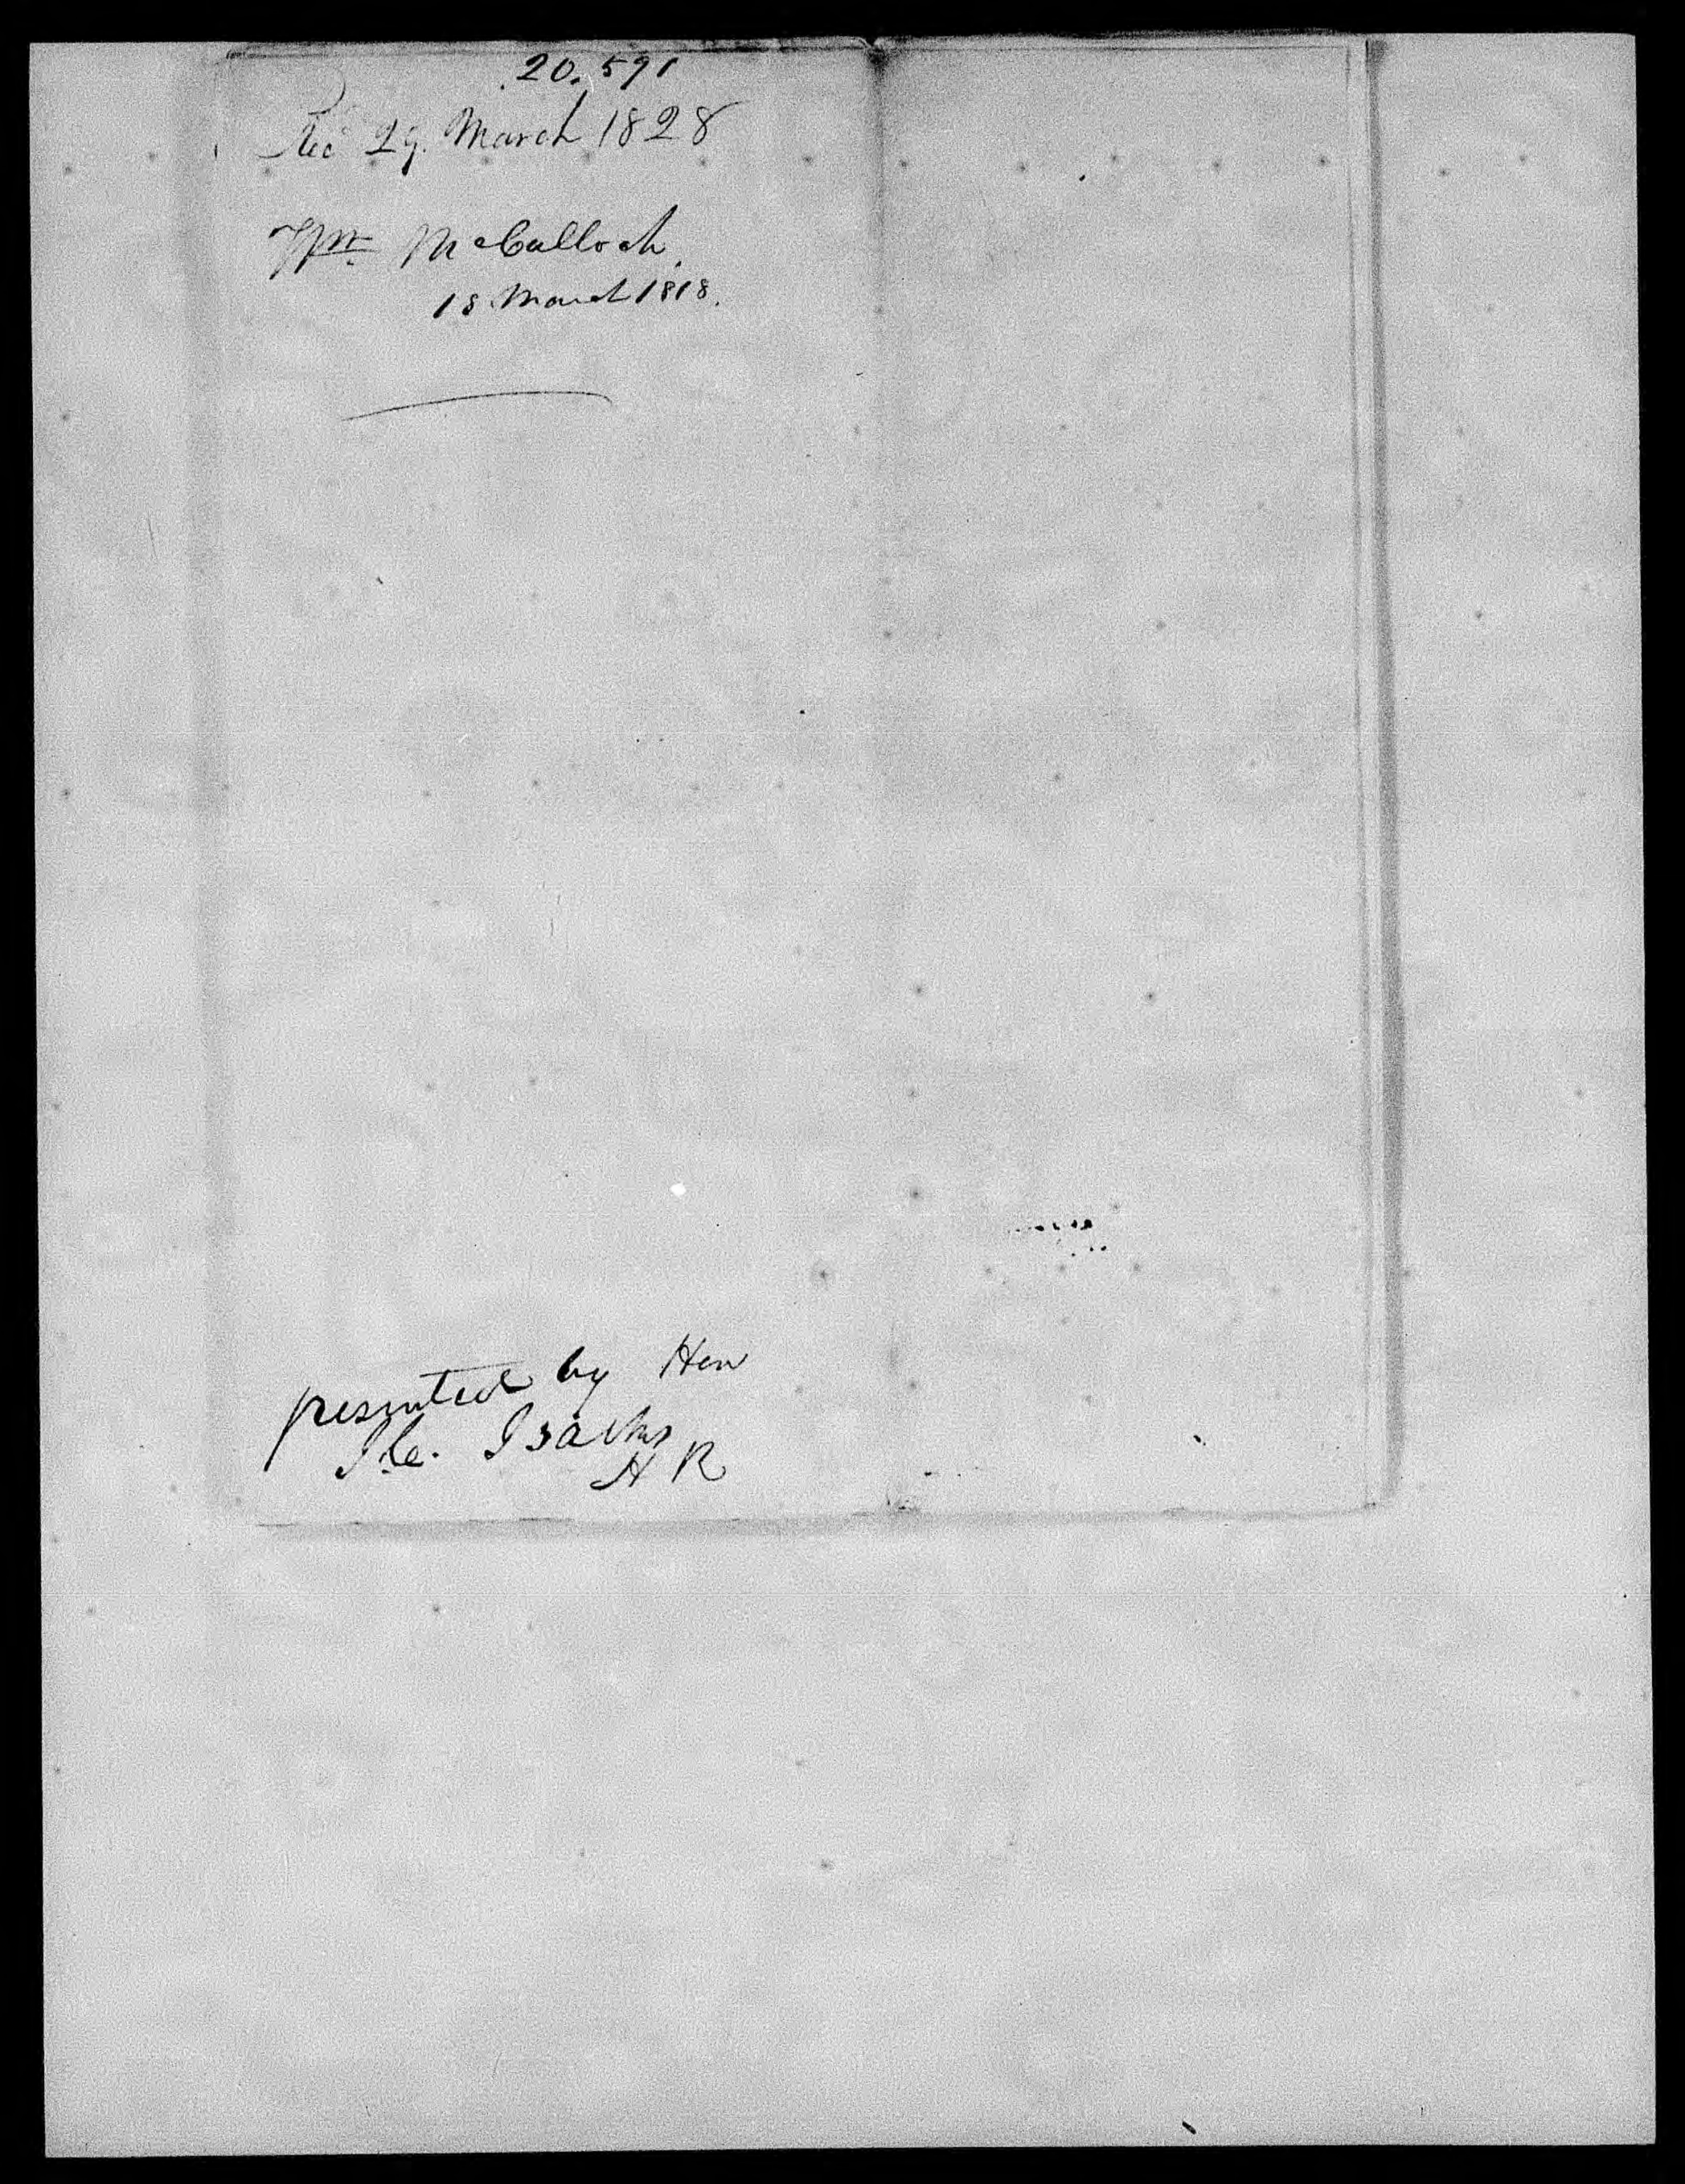20.591
Rec. 29 March 1828
Wm. McCulloch
18 March 1818.

presented by Hon. I.C. Isacks
                  HR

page: 3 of 9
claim: survivor's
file: S. 38,936, for William Mc Culloch, Virginia